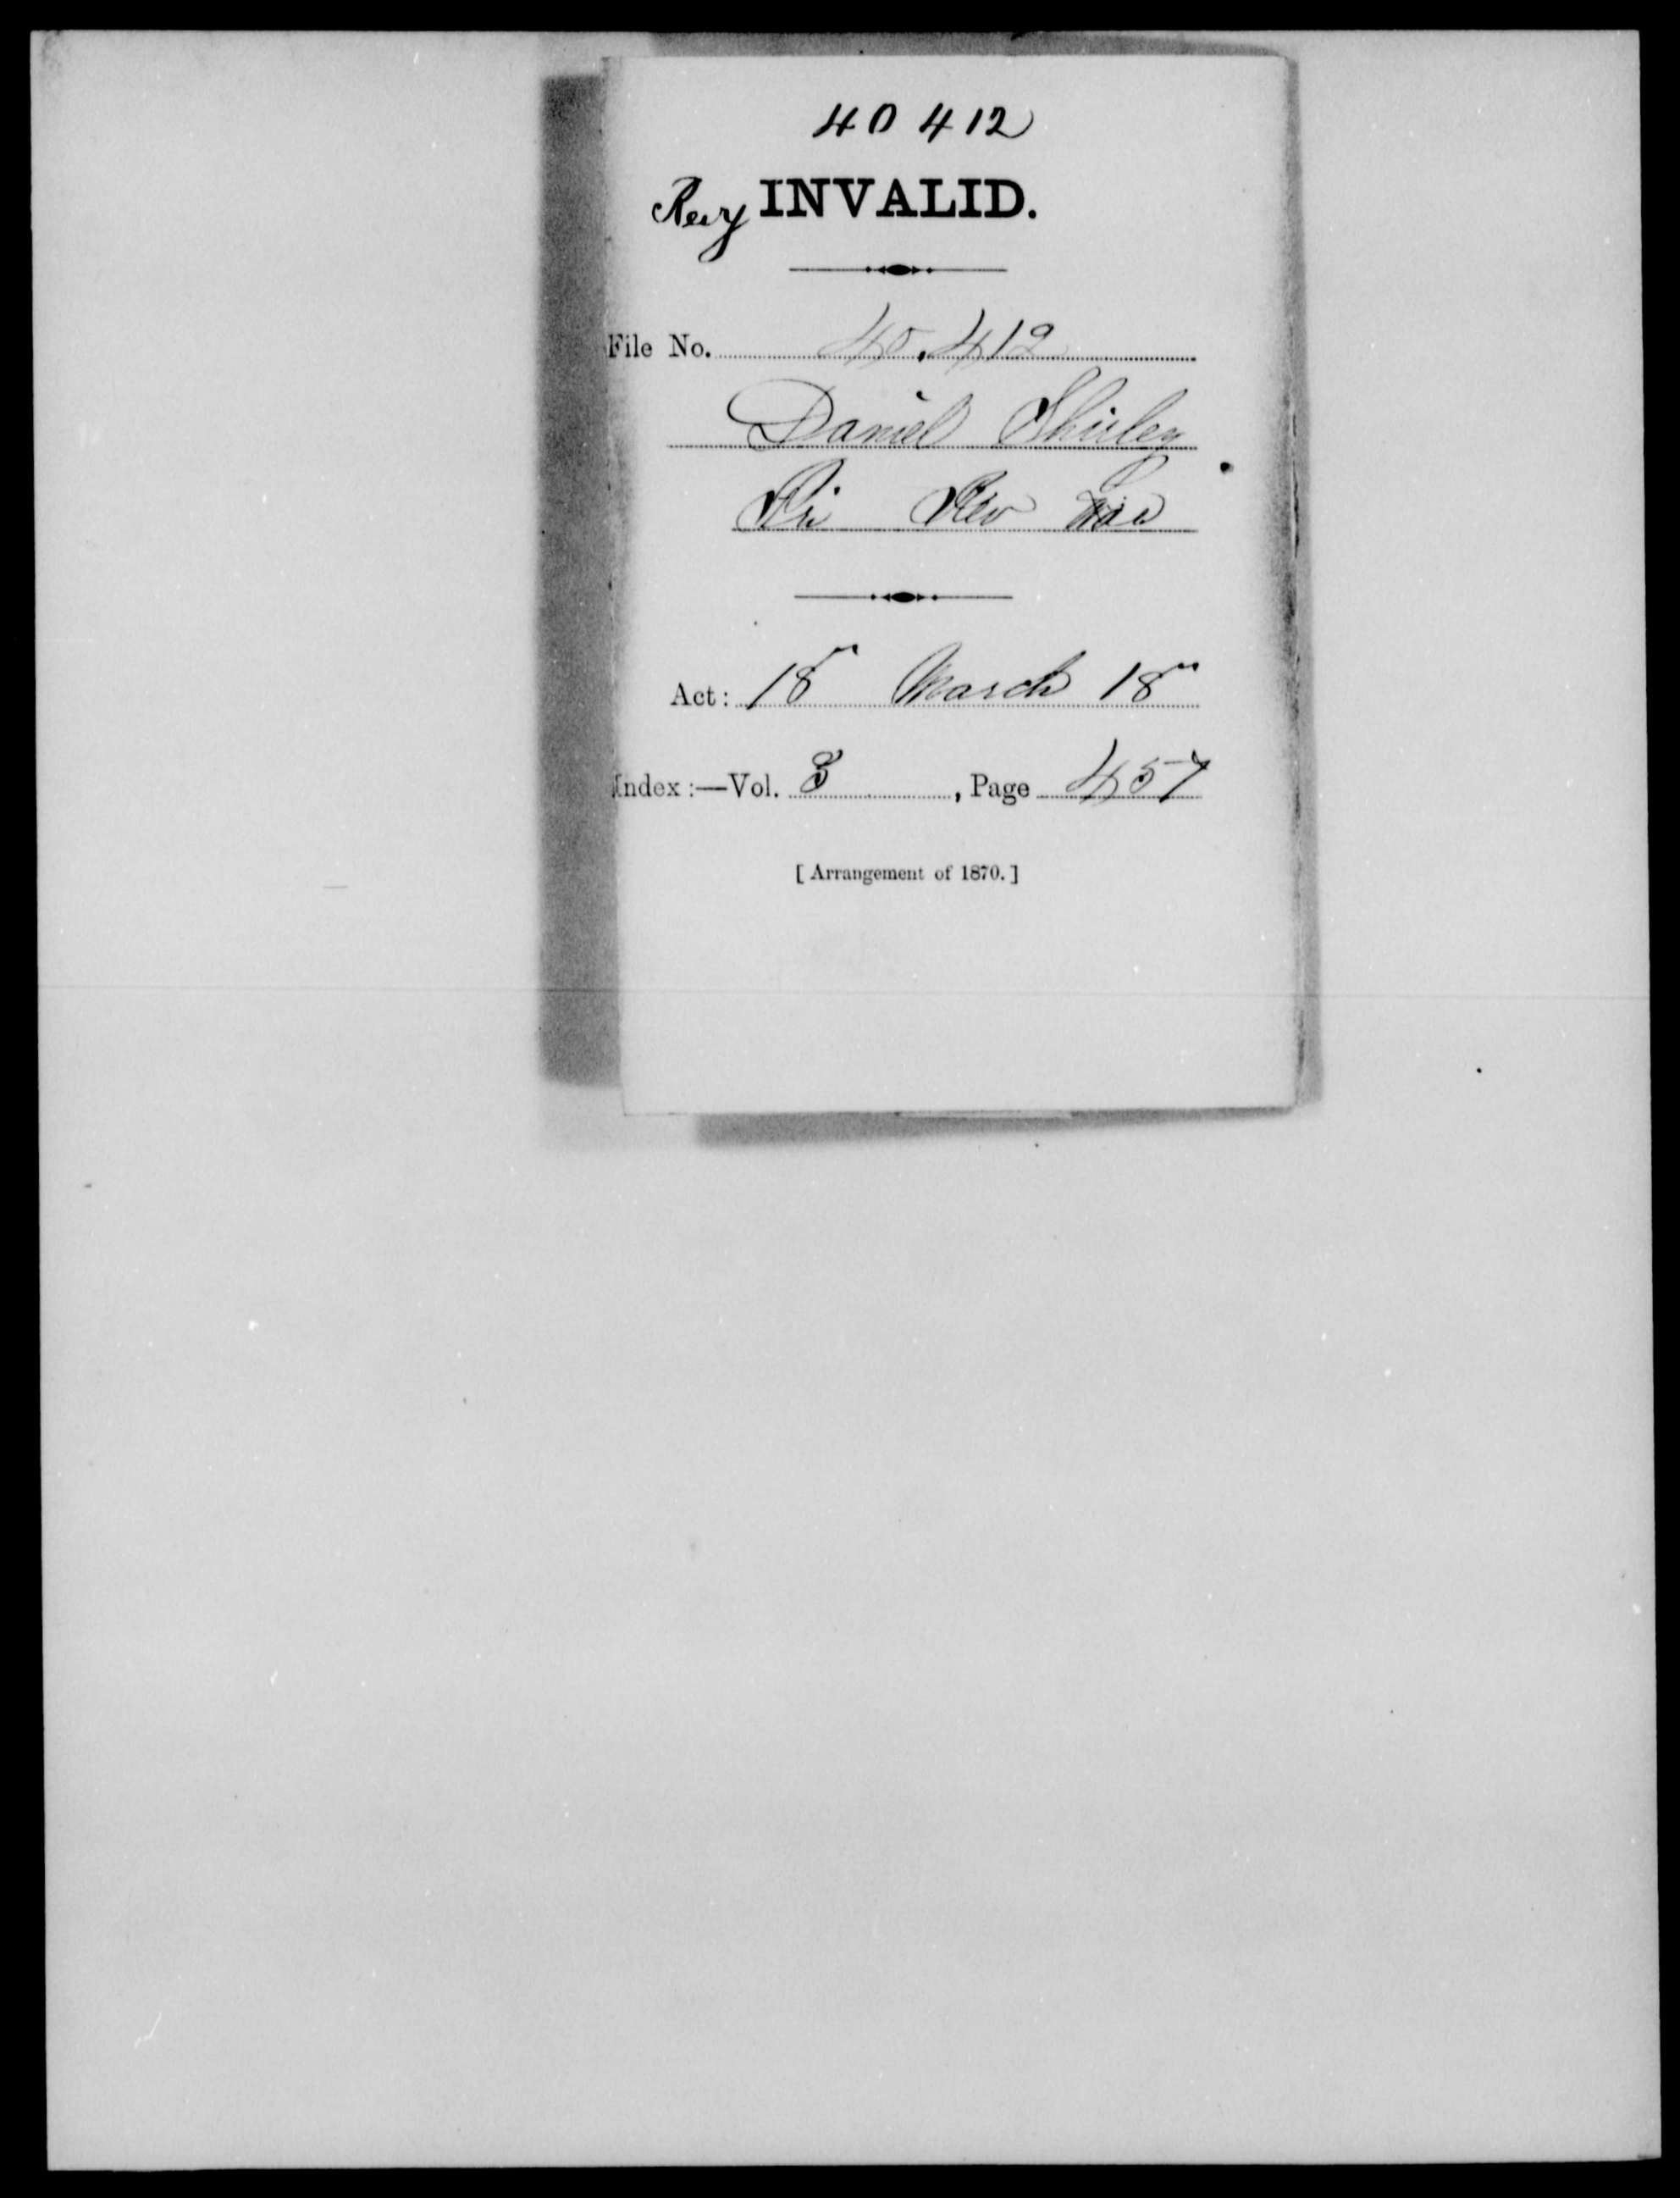40412

Revy  INVALID.

File No.  40,412

Daniel Shirley
Pri   Rev   War

Act:  18" March 18"

Index:---Vol. J,  Page 457

[Arrangement of 1870.]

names: Daniel Shirley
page: 13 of 20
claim: survivor's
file: S. 40412, for Daniel Shirley, New Hampshire